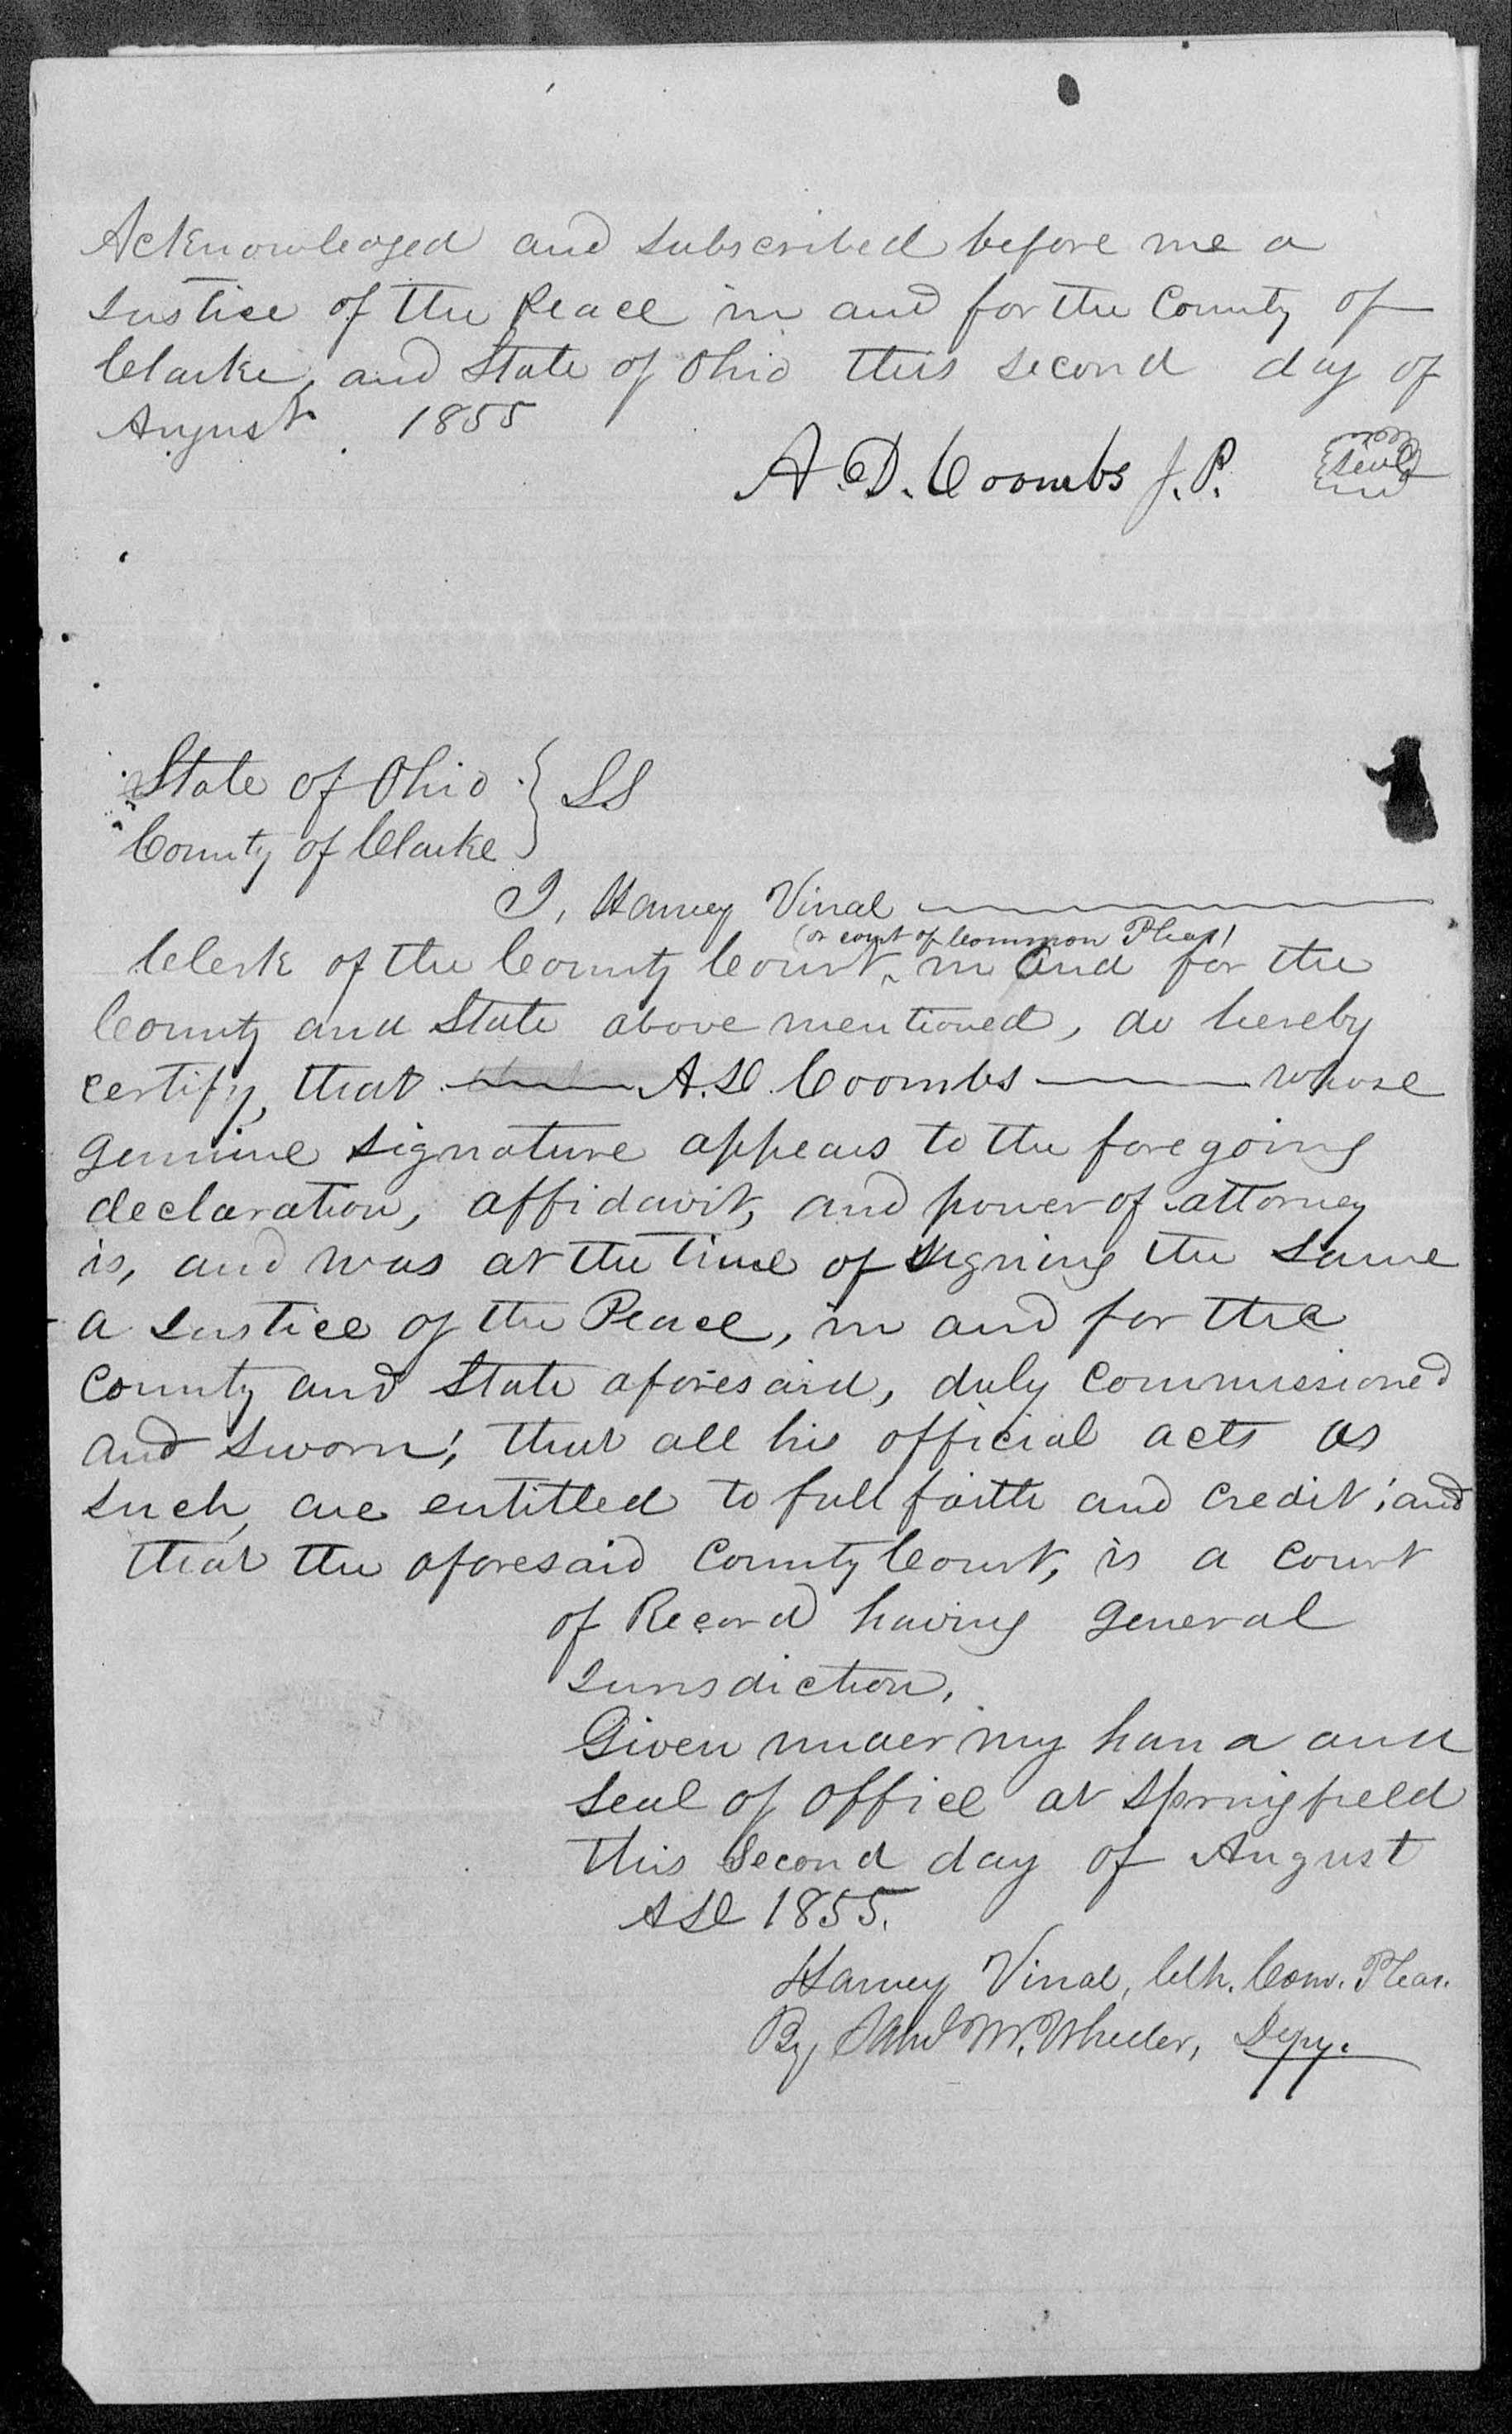Acknowledged and Subscribed before me a Justice of the Peace in and for the County of Clarke, and State of Ohio this second day of August 1855
A. D. Coombs J. P.   Seal (circled)
State of Ohio}
County of Clarke} SS
I, Harvey Vinal----- Clerk of the county Court ^(or court of Common Pleas) in and for the County and State above mentioned, do hereby certify, that ---- A. D. Coombs ---- whose genuine signature appears to the foregoing declaration, affidavit, and power of attorney is, and was at the time of signing the same a Justice of the Peace, in and for the County and State aforesaid, duly commissioned and Sworn; that all his official acts as such, are entitled to full faith and credit; and that the aforesaid county County, is a court of Record having General Jurisdiction.
Given under my hand and Seal of office at Springfield this Second day of August AD 1855.
Harvey Vinal, Clk. Com. Pleas.
By Saml M. Wheeler, Depy.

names: Harvey Vinal, A D Coombs, Harvey Vinal, A D Coombs, Saml Mc Wheeler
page: 19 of 47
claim: widow's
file: W. 25384, James Campbell, Va.